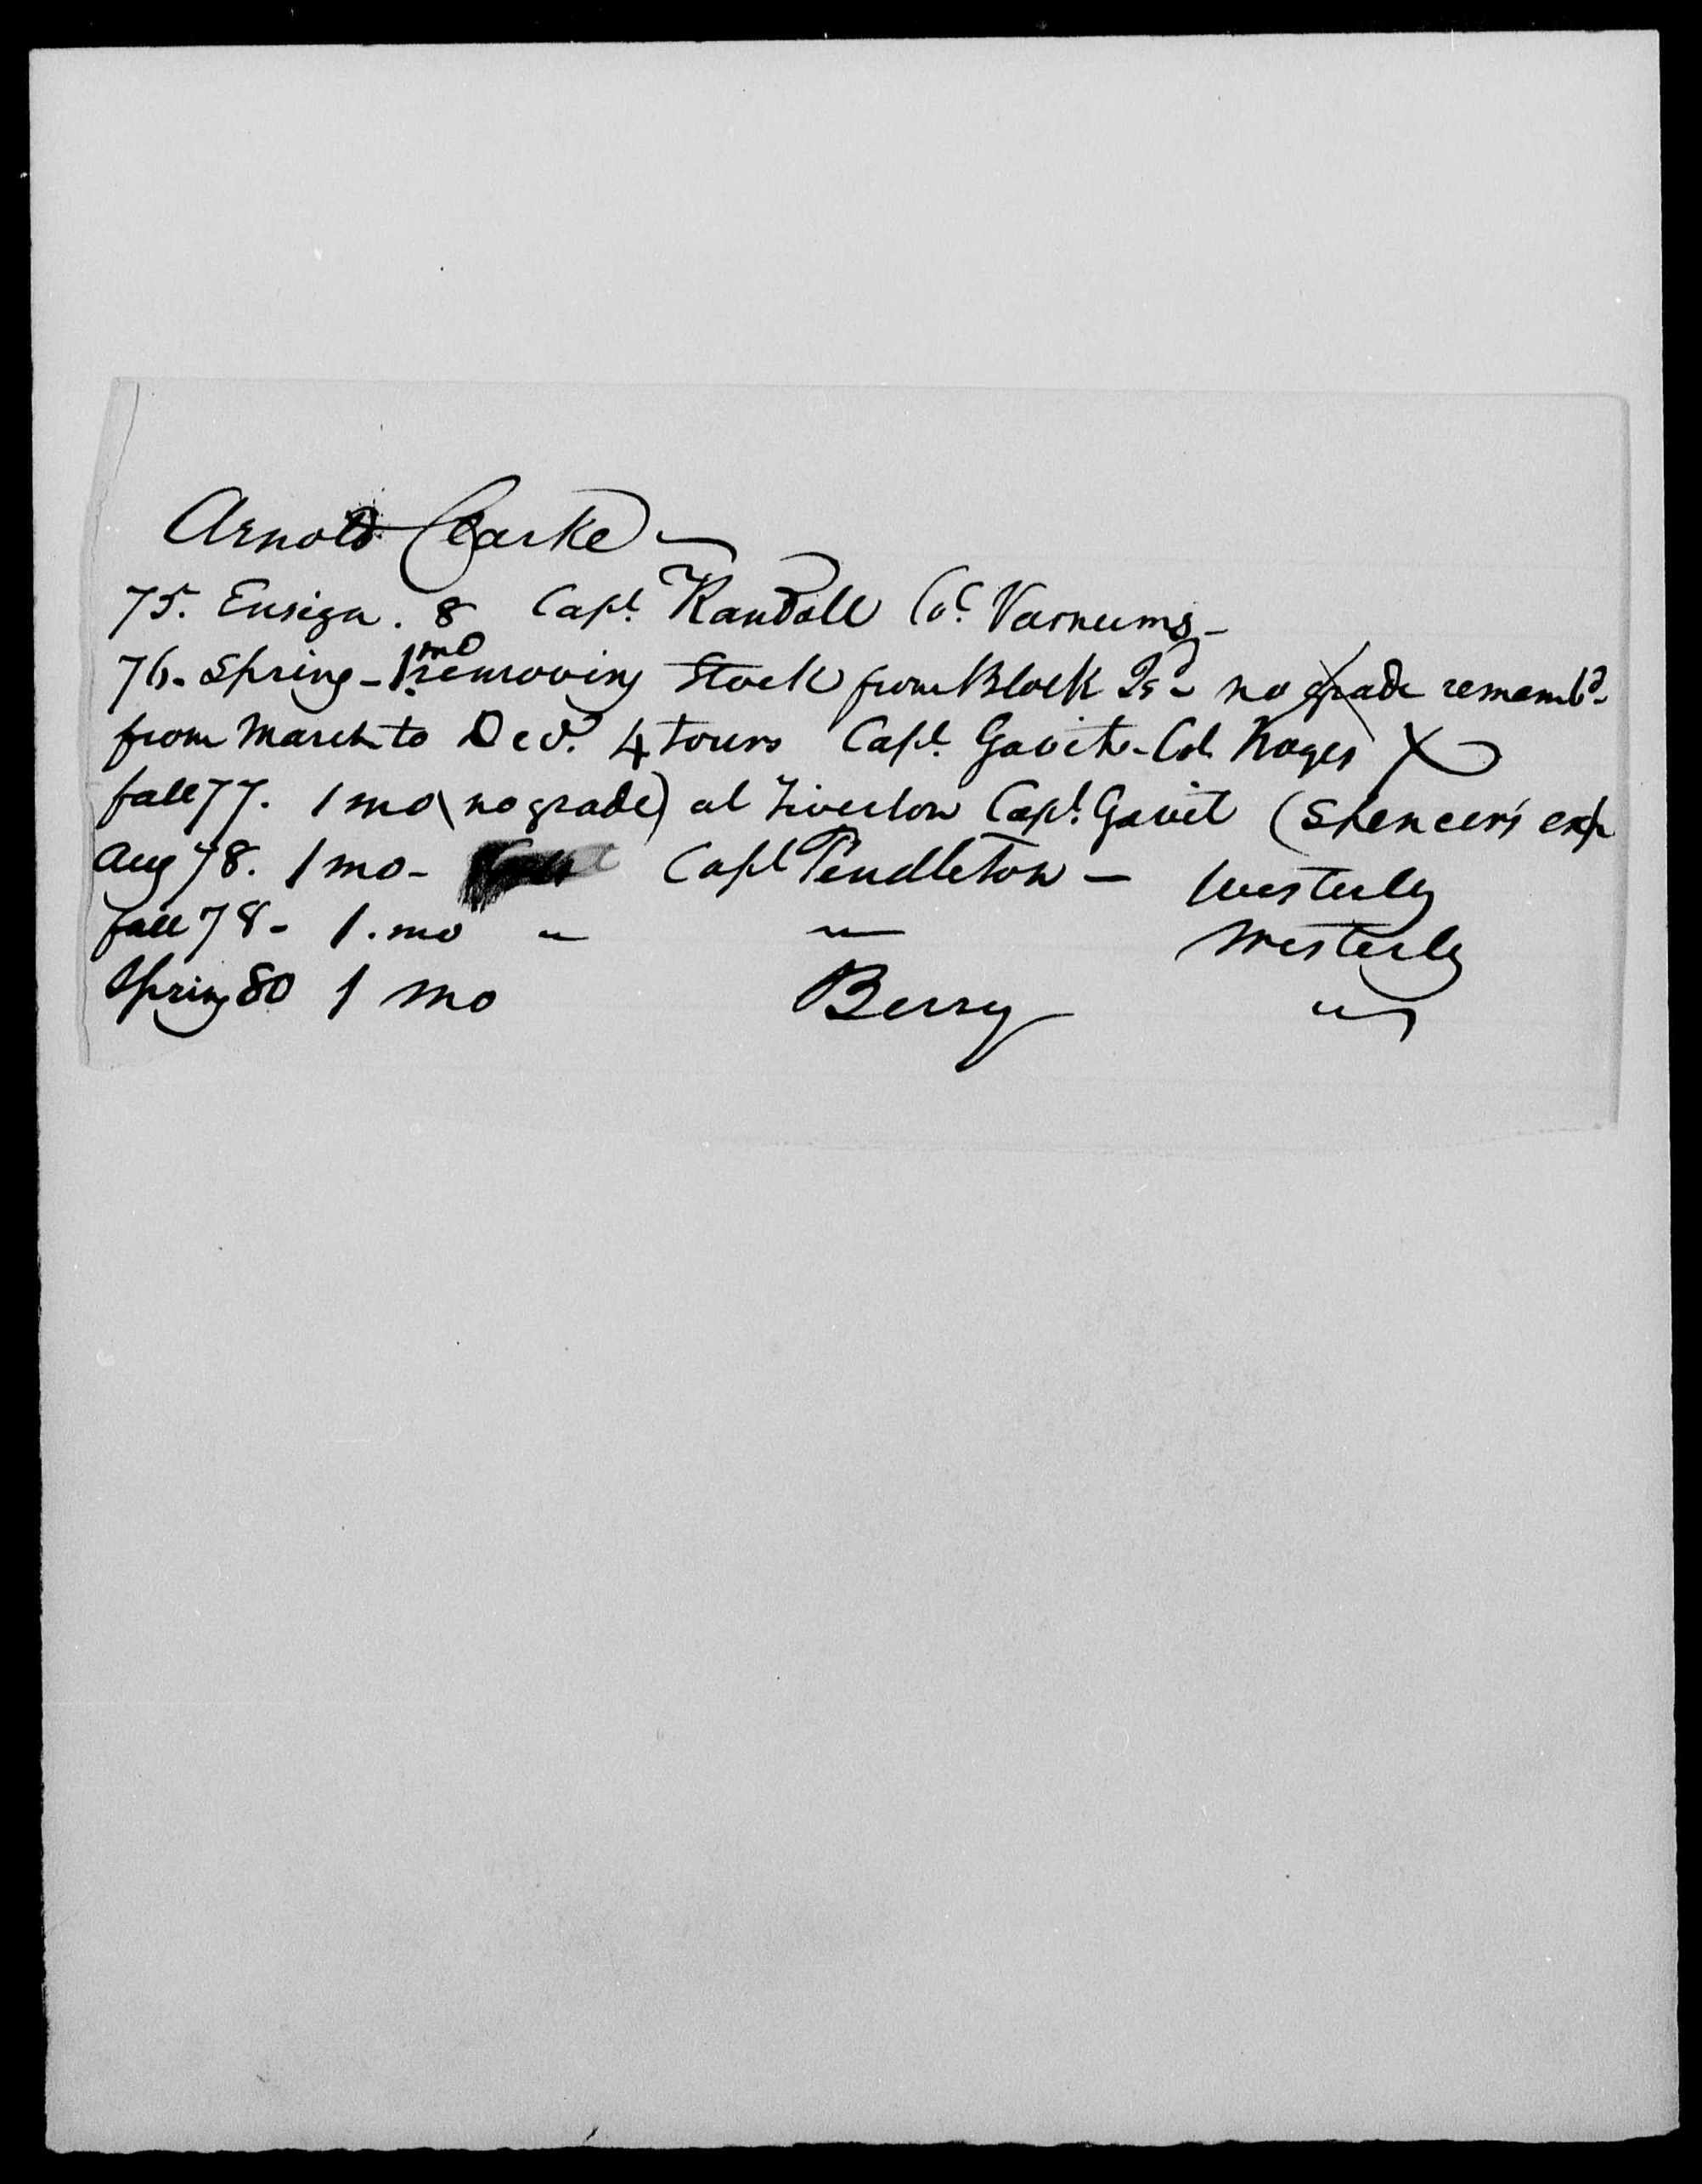Arnold Clarke
75. Ensign, 8 Capt. Randall Col. Varnums
76. Spring. 1 mo. removing stock from Block Is. no grade remembd.
from March to Dec. 4 tours Capt. Gavit Col Noyes
Fall 77. 1 mo./no grade) at Tiverton Capt. Gavit (Spencer's exp.
Aug 78. 1 mo. Capt. Pendleton - Westerly
Fall 78. 1 mo. Capt. Pendleton - Westerly
Spring 80. 1 mo. Berry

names: Gavit, Noyes, Arnold Clarke, Pendleton, Gavit, Varnums, Randall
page: 17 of 48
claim: widow's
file: W. 17,628, Arnold Clarke, R.I.